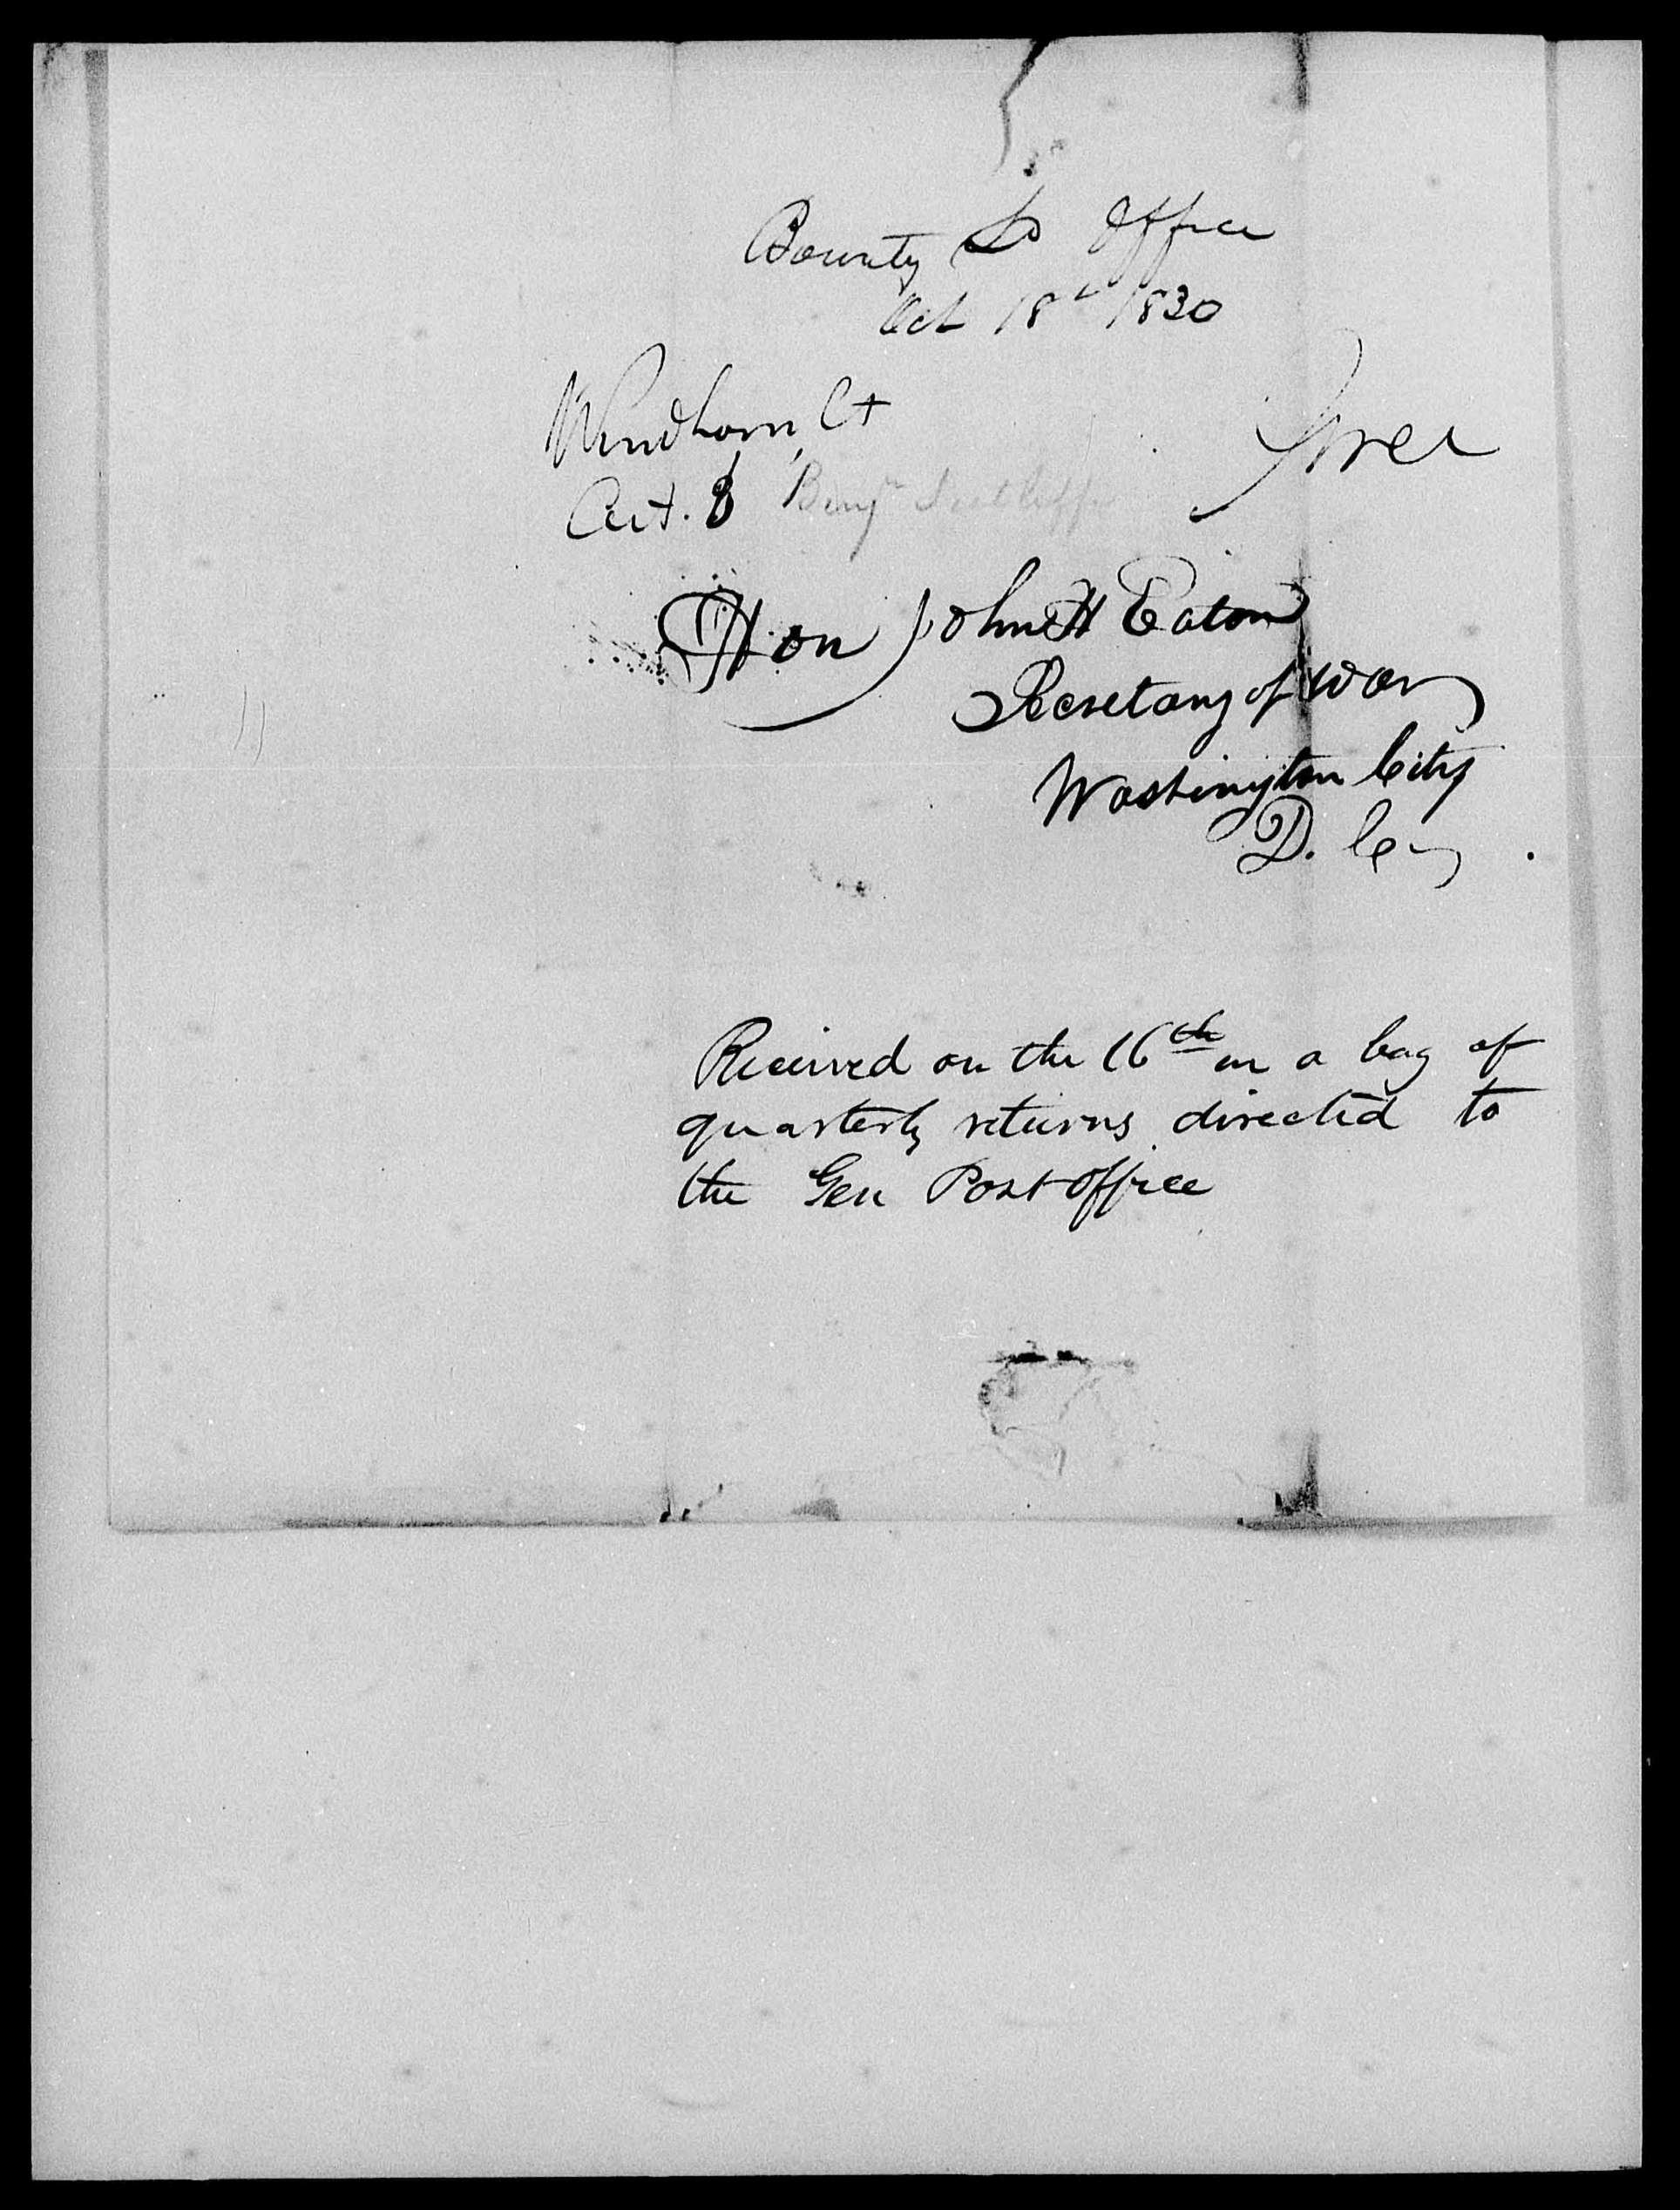Bounty Ld Office
Oct 18th 1830

Windham, Ct
Art. 3  Benj Sutliff      Free

Hon John H Eaton
Secretary of War
Washington City
D.C.

Received on the 16th in a bag of quarterly returns directed to the Gen Post Office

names: John H Eaton; Benjn Sutliff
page: 33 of 38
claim: survivor's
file: S. 43181, for Ezekiel Stone, New Hampshire